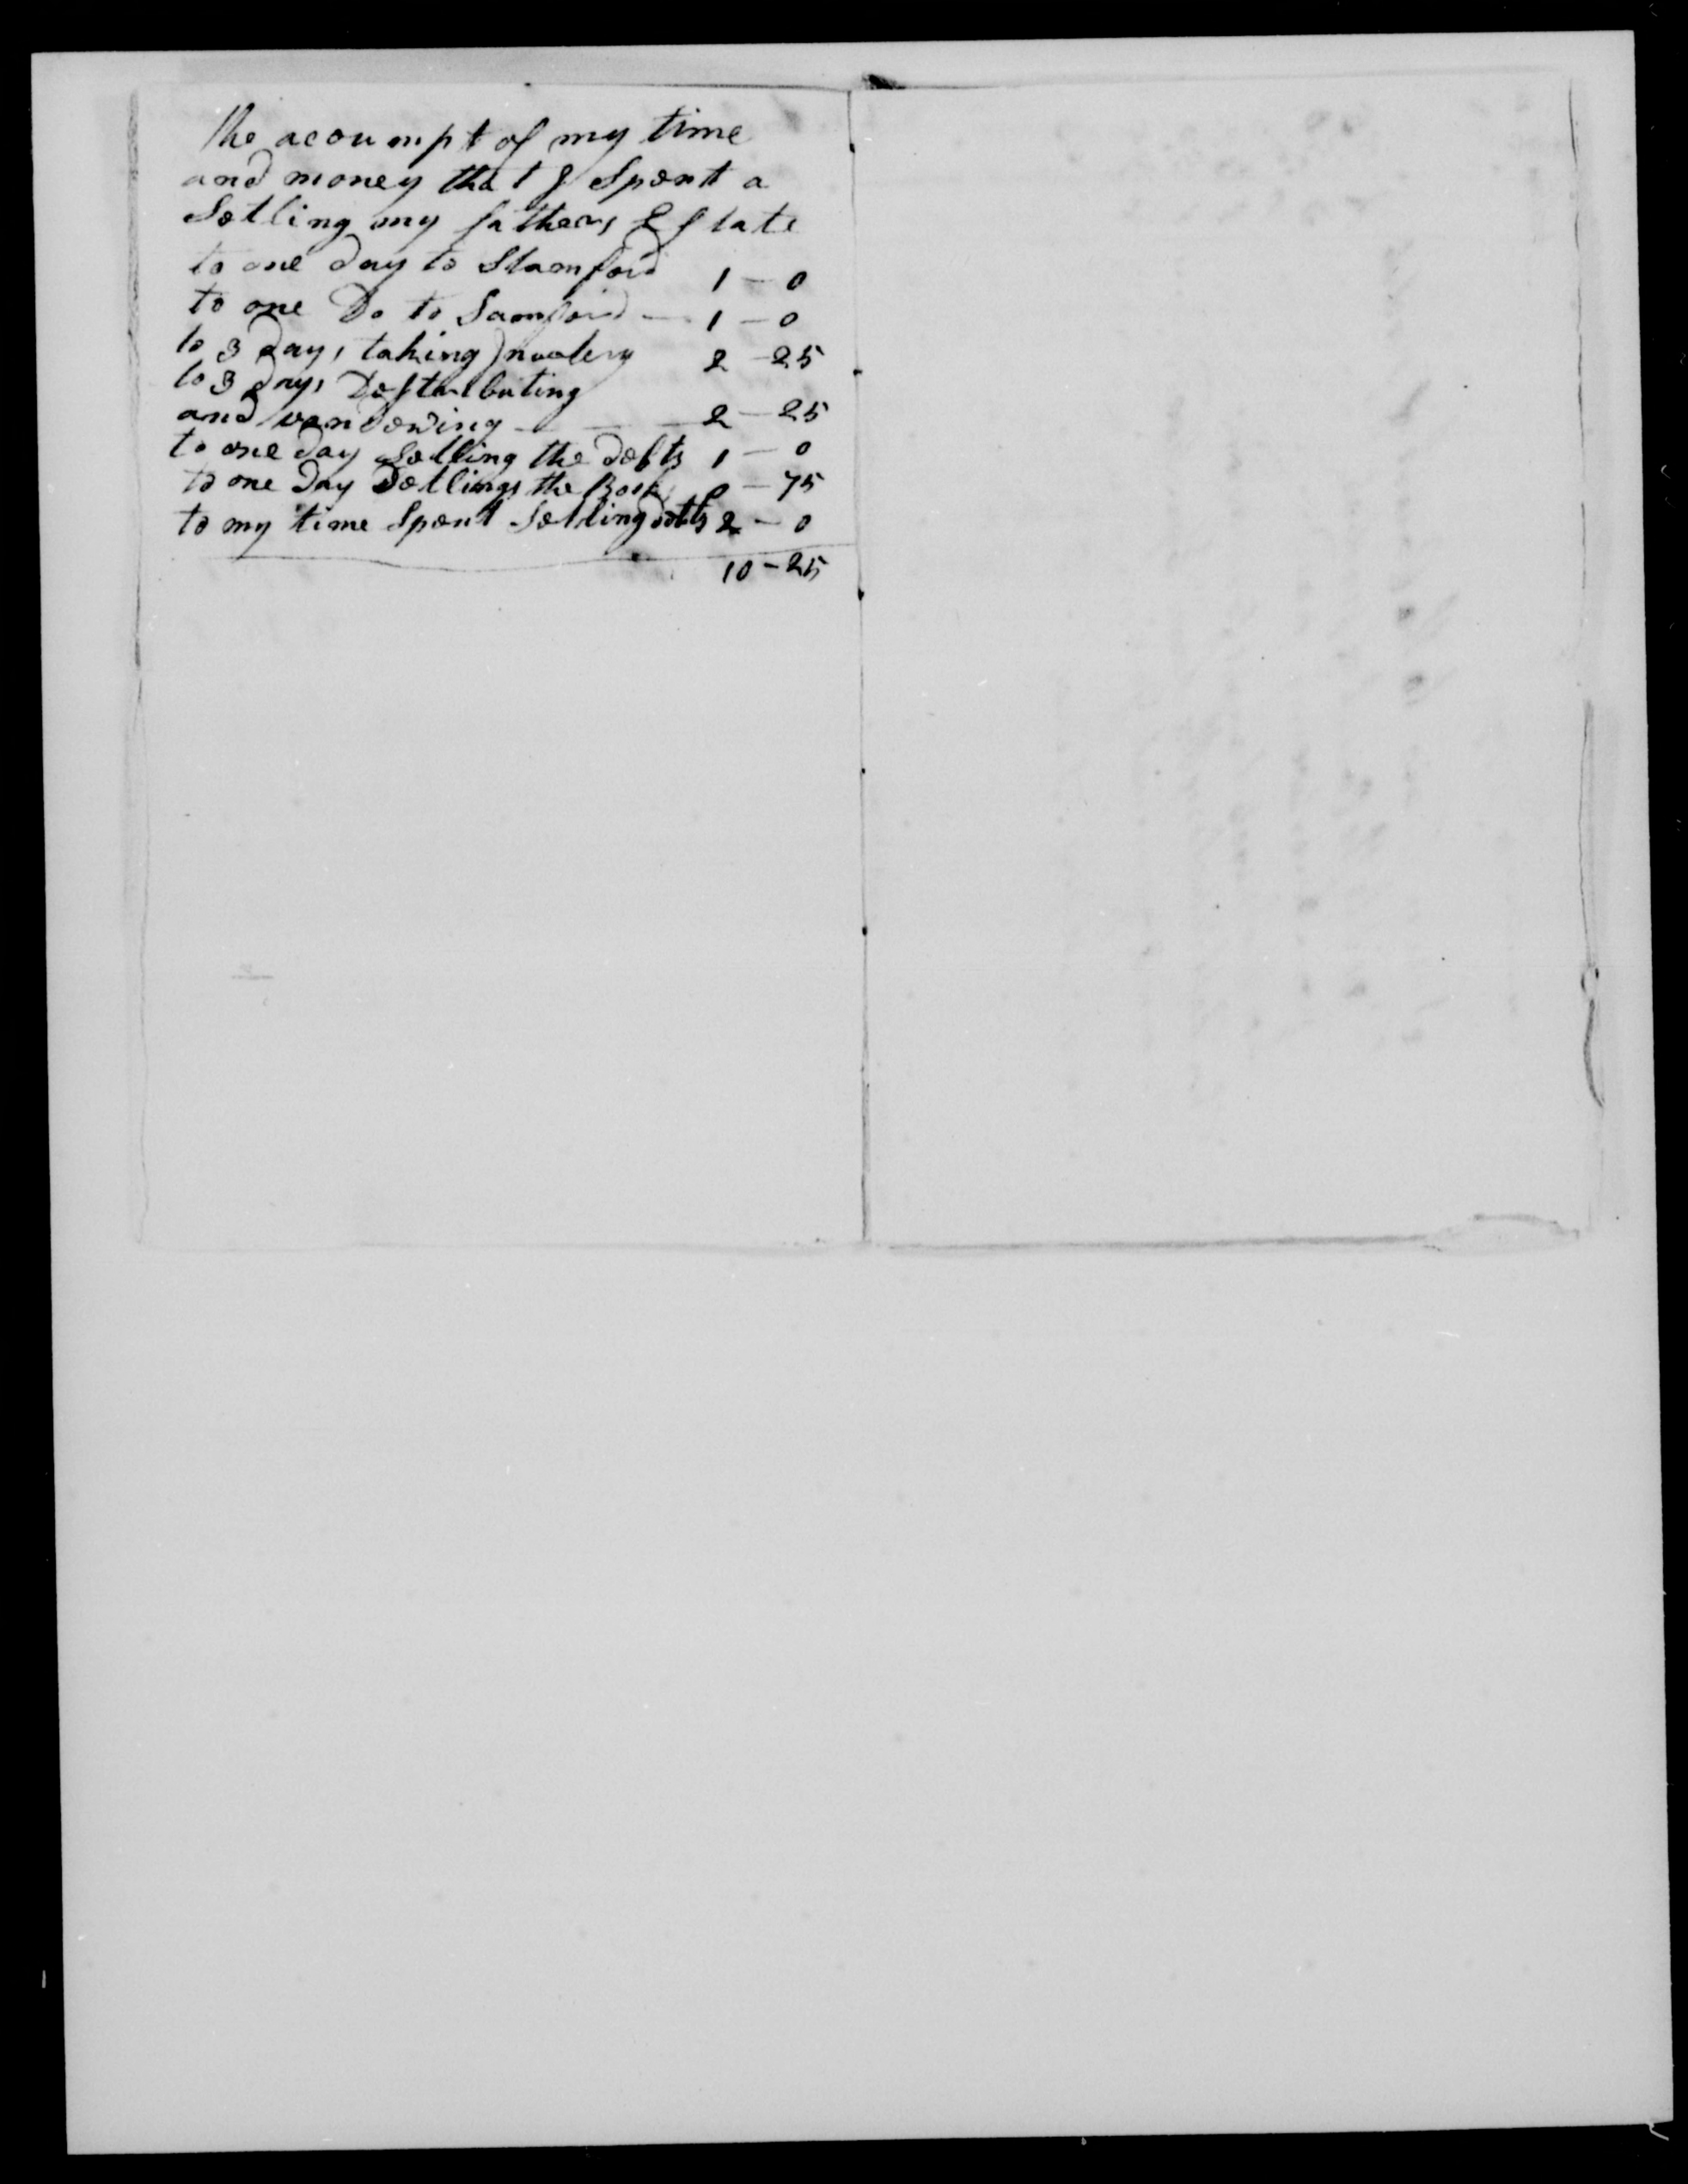The acounpt [account?] of my time and money that I spent a settling my father's estate 
to one day to Stanford 1 - 0
to one Do to Sanford 1 - 0
to 3 days taking inventory 2 - 25
to 3 days Do Stan / buting [?] and Ivain Dowing 2 - 25
to one day settling the debts 1 - 0
to one day settling the Books 0 - 75
to my time spent [Sobling?] oaths 2 - 0

[Total] 10 - 25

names: [BLANK]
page: 36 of 77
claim: survivor's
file: S. 23003, for Silas Southerland, New York